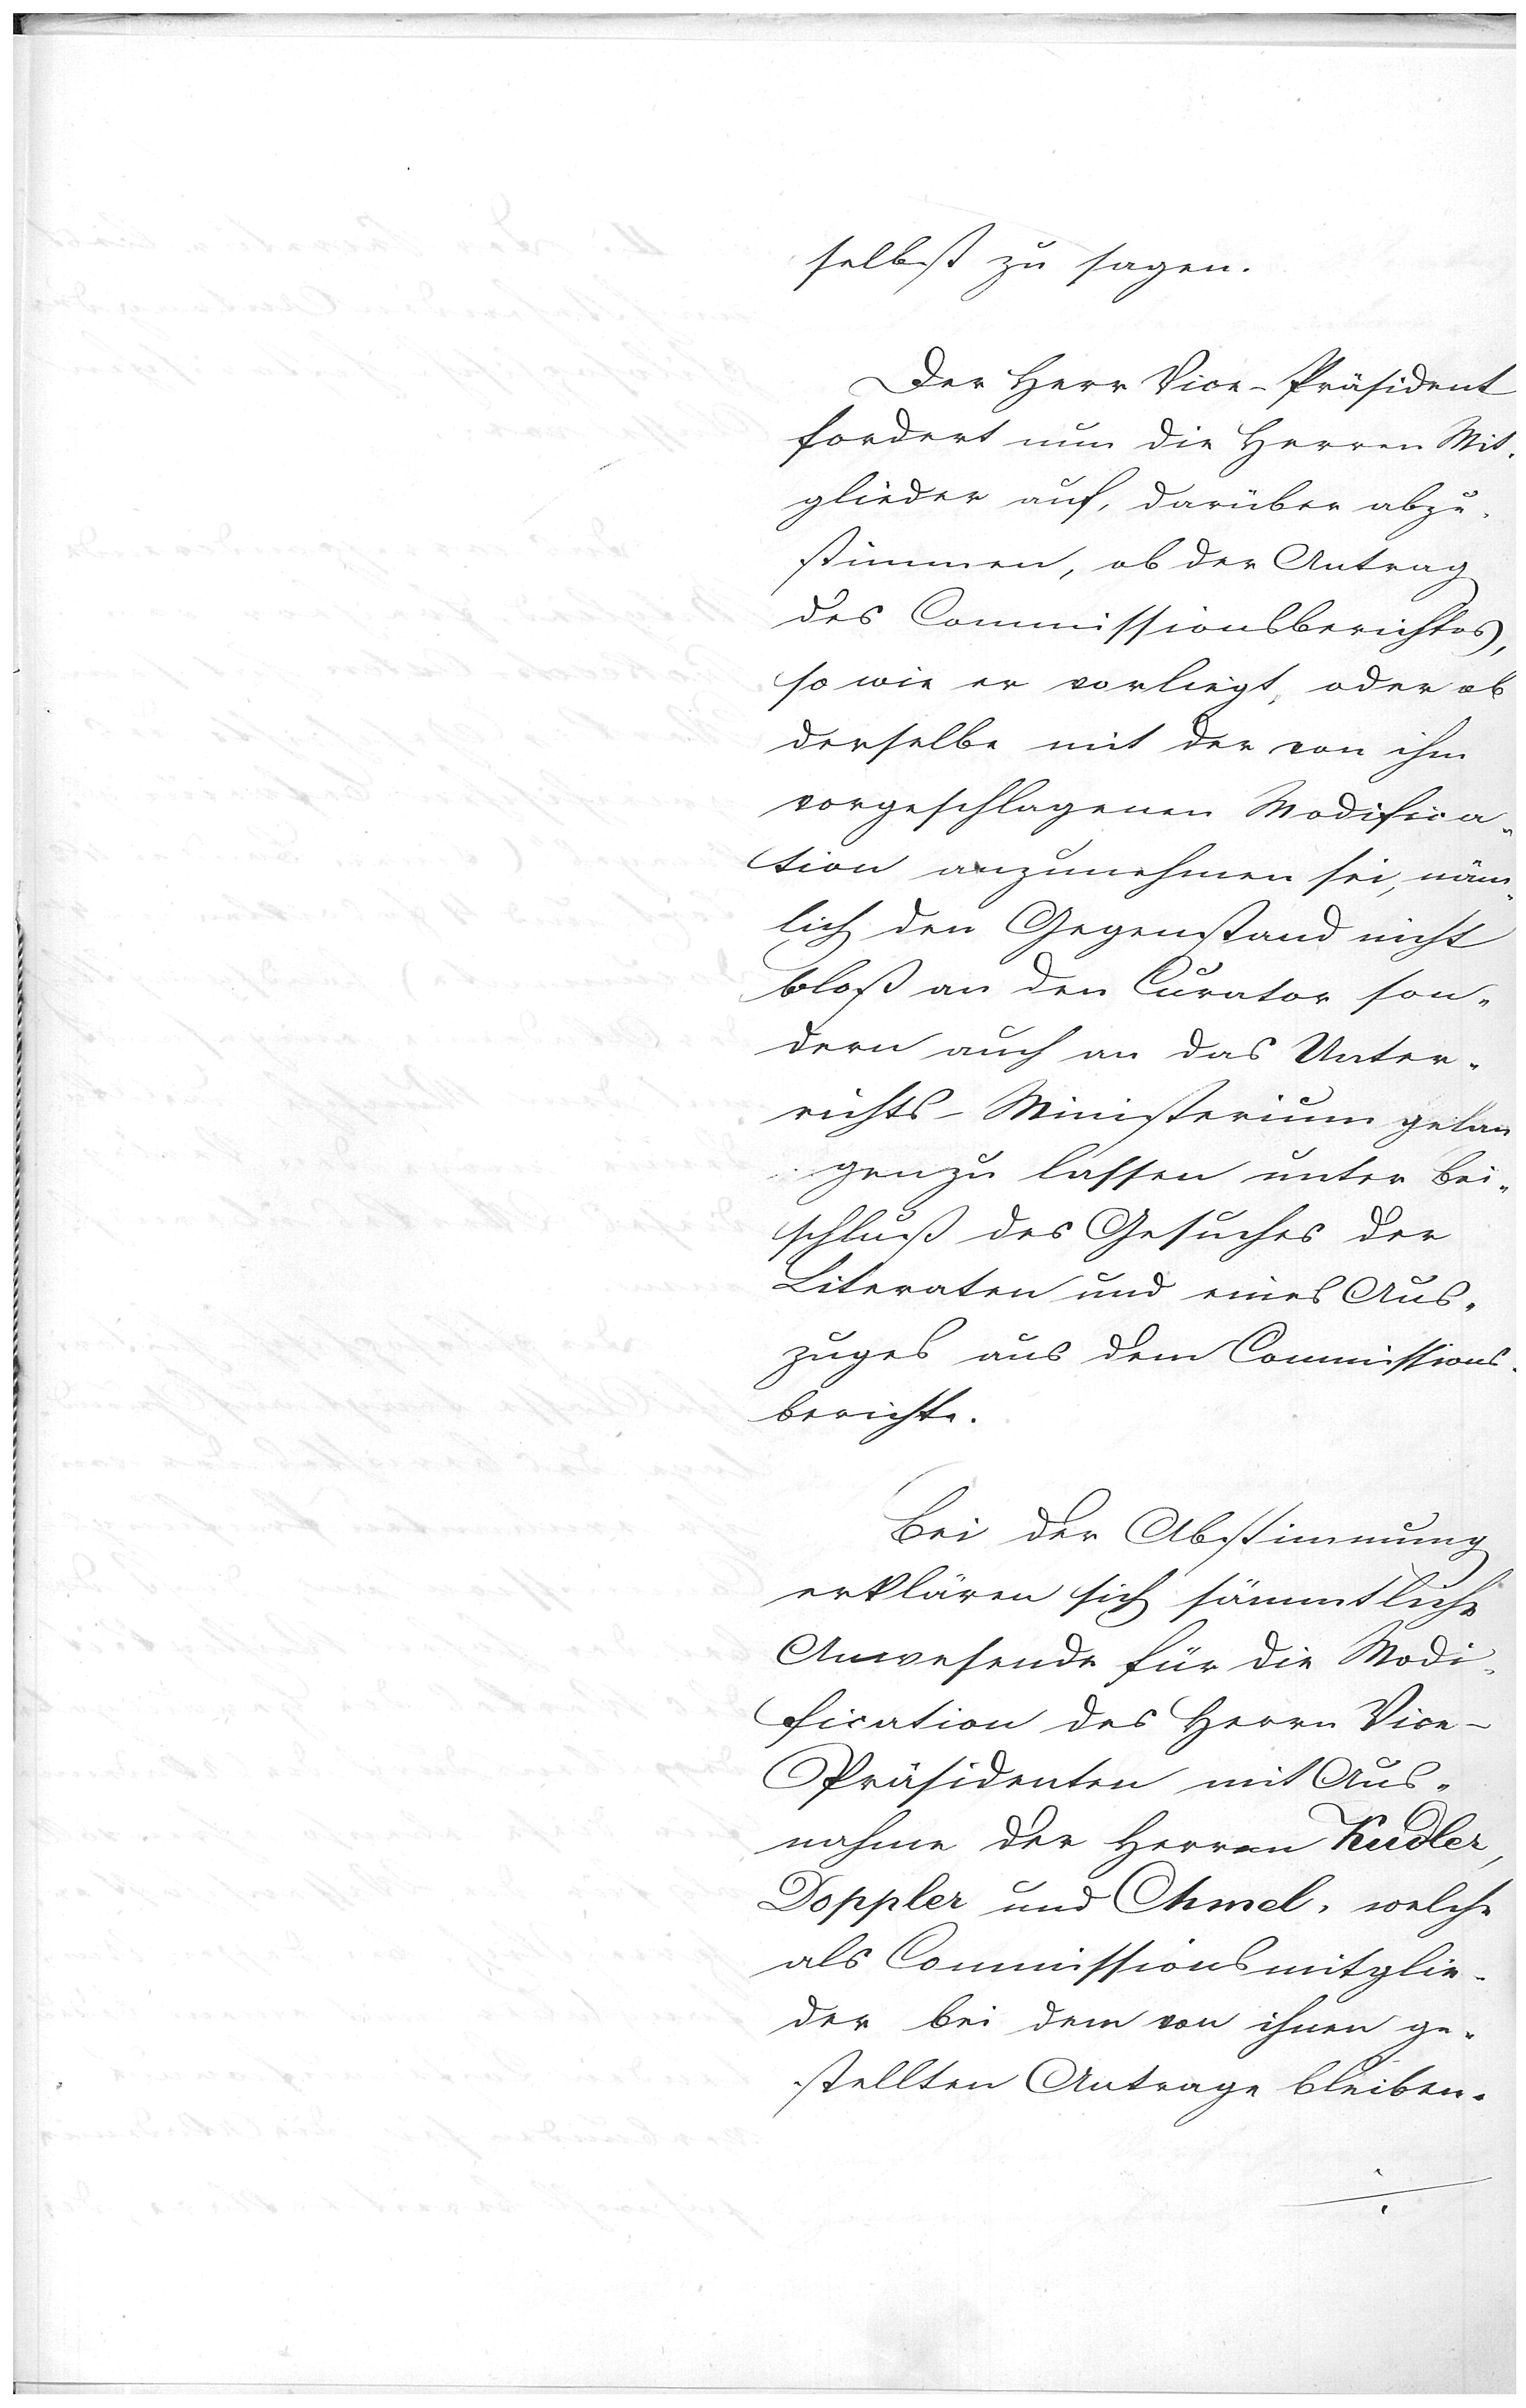selbst zu sagen.
Der Herr Vice-Präsident
fordert nun die Herren Mit-
glieder auf, darüber abzu-
stimmen, ob der Antrag
des Commissionsberichtes,
so wie er vorliegt, oder ob
derselbe mit der von ihm
vorgeschlagenen Modifica-
tion angenehmer sei, näm-
lich den Gegenstand nicht
bloß an den Curator son-
dern auch an das Unter-
richts-Ministerium gelan-
gen zu lassen unter Bei-
schluß des Gesuches der
Literaten und eines Aus-
zuges aus dem Commissions-
berichte.
Bei der Abstimmung
erklären sich sämmtliche
Anwesende für die Modi-
fication des Herrn Vice-
Präsidenten mit Aus-
nahme der Herren Kudler,
Doppler und Chmel, welche
als Commissionsmitglie-
der bei dem von ihnen ge-
stellten Antrage bleiben.